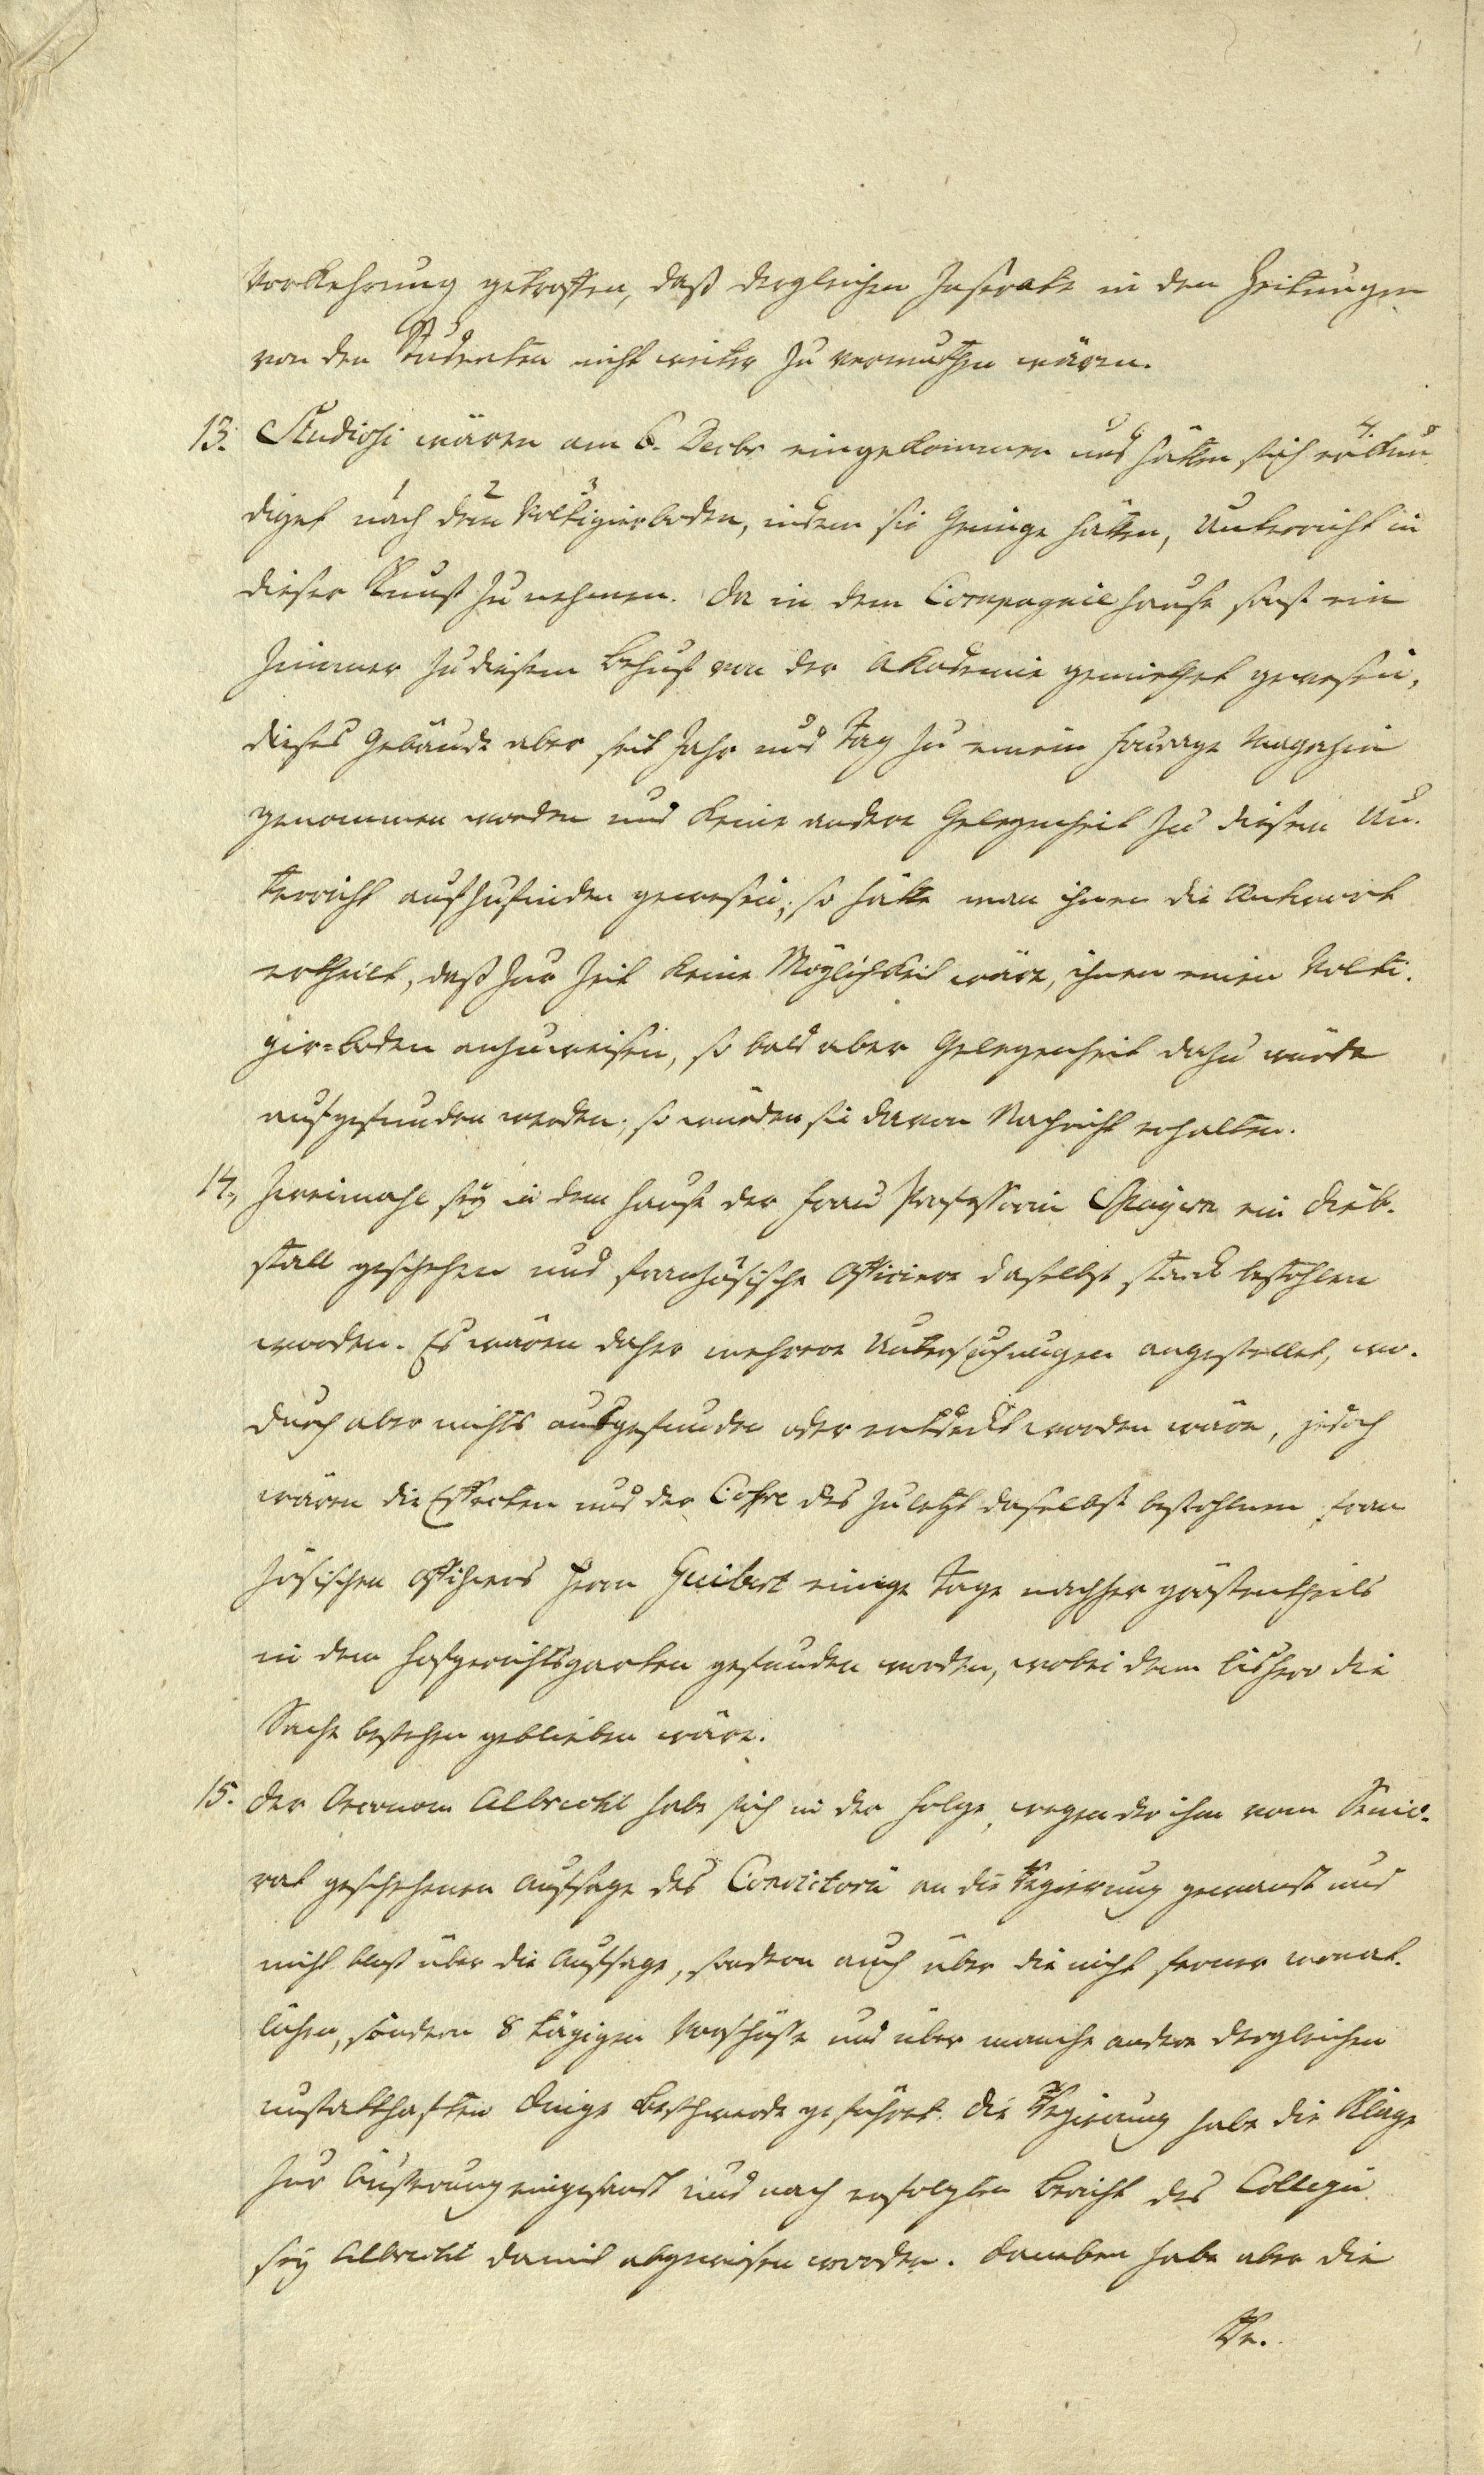Vorkehrung getroffen, daß dergleichen Inserate in den Zeitungen
von den Studenten nicht weiter zu vermuthen wären.
13. Studiosi wären am 6. Decbr. eingekommen und hätte sich erkun¬
diget nach dem Voltigierboden, indem sie Genüge hätten, Unterricht in
dieser Kunst zu nehmen. Da in dem Compagniehause sonst ein
Zimmer zu diesem Behuf von der Akademie gemiethet gewesen,
dieses Gebäude aber seit Jahr und Tag zu einem Fourage Magazin
genommen worden und keine andere Gelegenheit zu diesem Un¬
terricht aufzufinden gewesen, so hätte man ihnen die Antwort
ertheilt, daß zur Zeit keine Möglichkeit wäre, ihnen einen Volti¬
gir-Boden anzuweisen, so bald aber Gelegenheit dazu würde
aufgefunden werden, so werden sie davon Nachricht erhalten.
14., Zweimahl seÿ in dem Hause der Frau Professorin Maÿern ein Dieb¬
stahl geschehen und französische Officiere daselbst starck bestohlen
worden. Es wären daher mehrere Untersuchungen angestellet, wo¬
durch aber nichts aufgefunden oder entdeckt worden wäre, jedoch
wären die Effecten und der Cofre des zuletzt daselbst bestohlenen fran¬
zösischen Offizers Herrn Guibert einige Tage nachher gröstentheils
in dem Hofgerichtsgarten gefunden worden, wobei denn bishero die
Sache bestehen geblieben wäre.
15. Der Oeconom Albrecht habe sich in der Folge, wegen der ihm vom Senio¬
rat geschehenen Aufsage des Convictorii an die Regierung gewandt und
nicht bloß über die Aufsage, sondern auch über die nicht ferner monat¬
lichen, sondern 8 tägigen Vorschüsse und über manche andere dergleichen
unstatthaften Dinge Beschwerde geführet. Die Regierung habe die Klage
zur Äusserung eingesandt und nach erfolgten Bericht des Collegii
seÿ Albrecht damit abgewiesen worden. Daneben habe aber die
Re¬